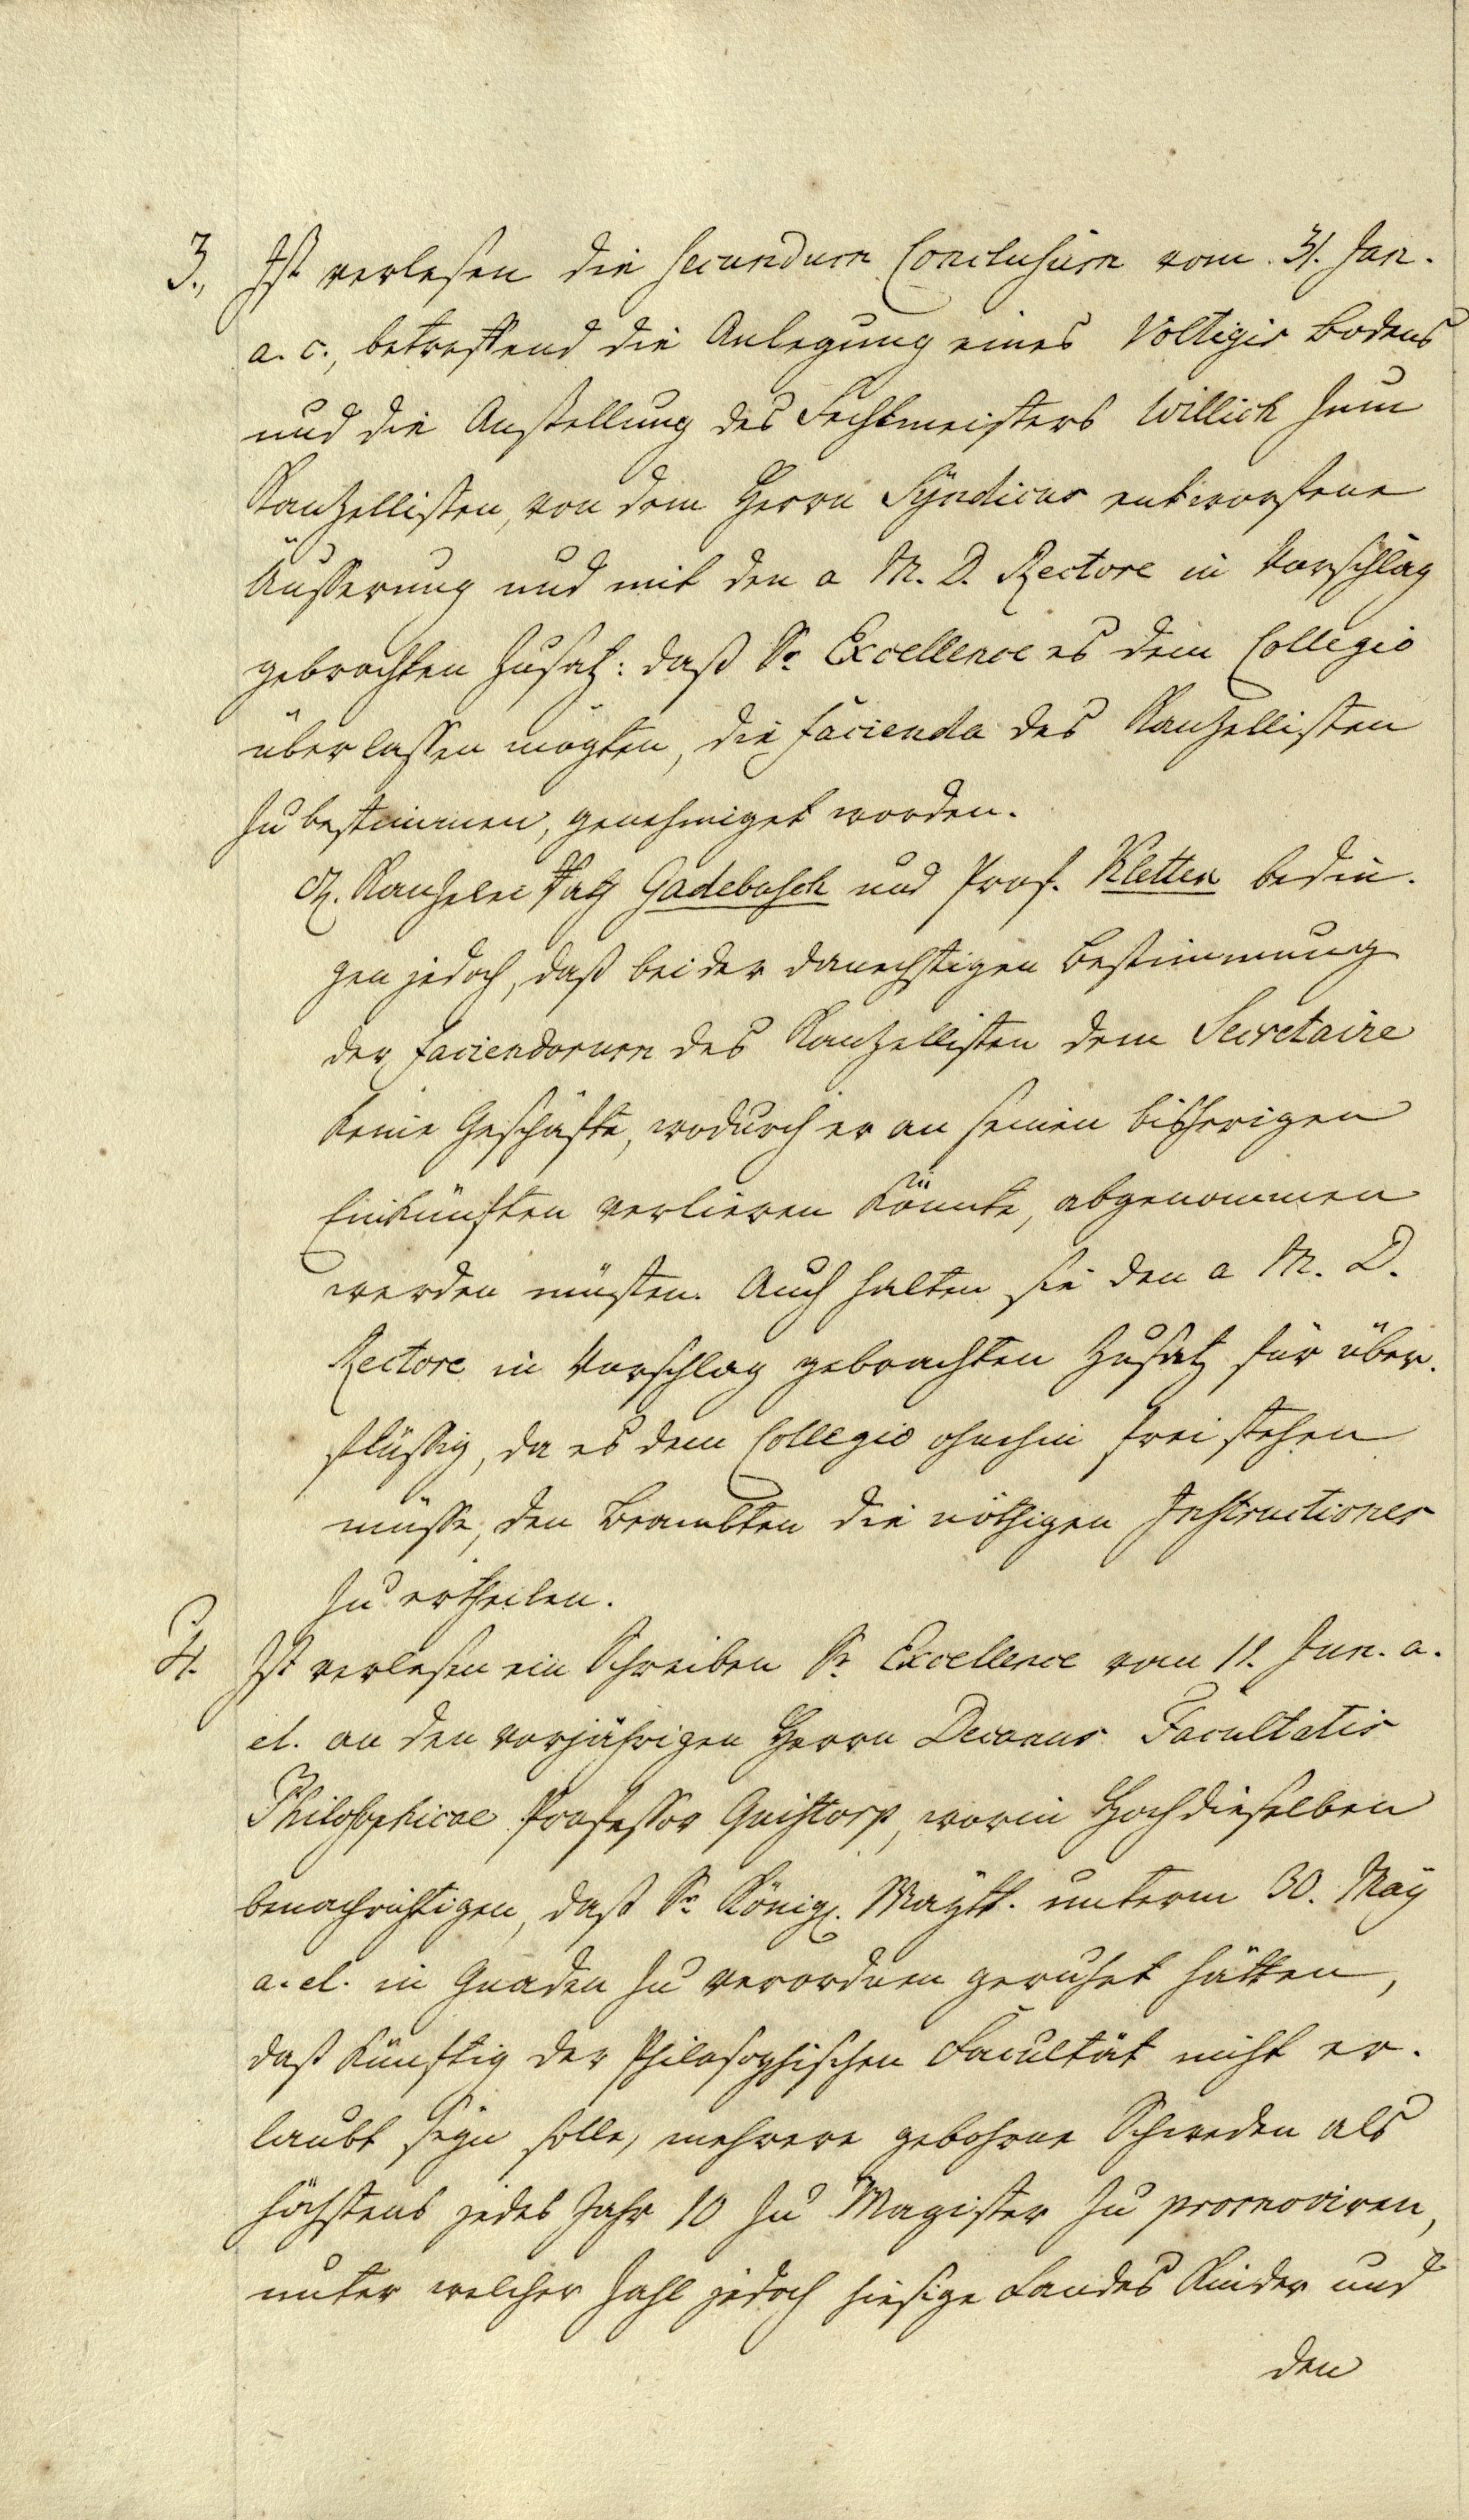3., Ist verlesen die secundum Conclusum vom 31. Jan.
a. c. betreffend die Anlegung eines Voltigir Bodens
und die Anstellung des Fechtmeisters Willich zum
Kanzellisten von dem Herrn Sÿndicus entworfene
Äusserung und mit den a M. D. Rectore in Vorschlag
gebrachten Zusatz: daß Sr Excellence es dem Collegio
überlassen mögten, die Facienda des Kanzellisten
zu bestimmen, genehmiget worden.
dh. Kanzelei Rath Gadebusch und Prof. Kletten bedin¬
gen jedoch, daß bei der danechstigen Bestimmung
der Faciendorum des Kanzellisten dem Secretaire
keine Geschäfte, wodurch er an seinen bisherigen
Einkünften verlieren könnte, abgenommen
werden müßten. Auch halten sie den a M. D.
Rectore in Vorschlag gebrachten Zusatz für über¬
flüssig, da es dem Collegio ohnehin frei stehen
müsse, den Beambten die nöthigen Instructiones
zu ertheilen.
4. Ist verlesen ein Schreiben Sr Excellence vom 11. Jun. a.
et. an den vorjährigen Herrn Decanus Facultatis
Philosophicae Professor Quistorp, worin Hochdieselben
benachrichtigen, daß Sr Königl. Maÿtt. unterm 30. May
a. el. in Gnaden zu verordnen geruhet hätten,
daß künftig der Philosophischen Facultät nicht er
laubt seÿn solle, mehrere gebohrne Schweden als
höchstens jedes Jahr 10 zu Magister zu promoviren,
unter welcher Zahl jedoch hiesige Landes Kinder und
den